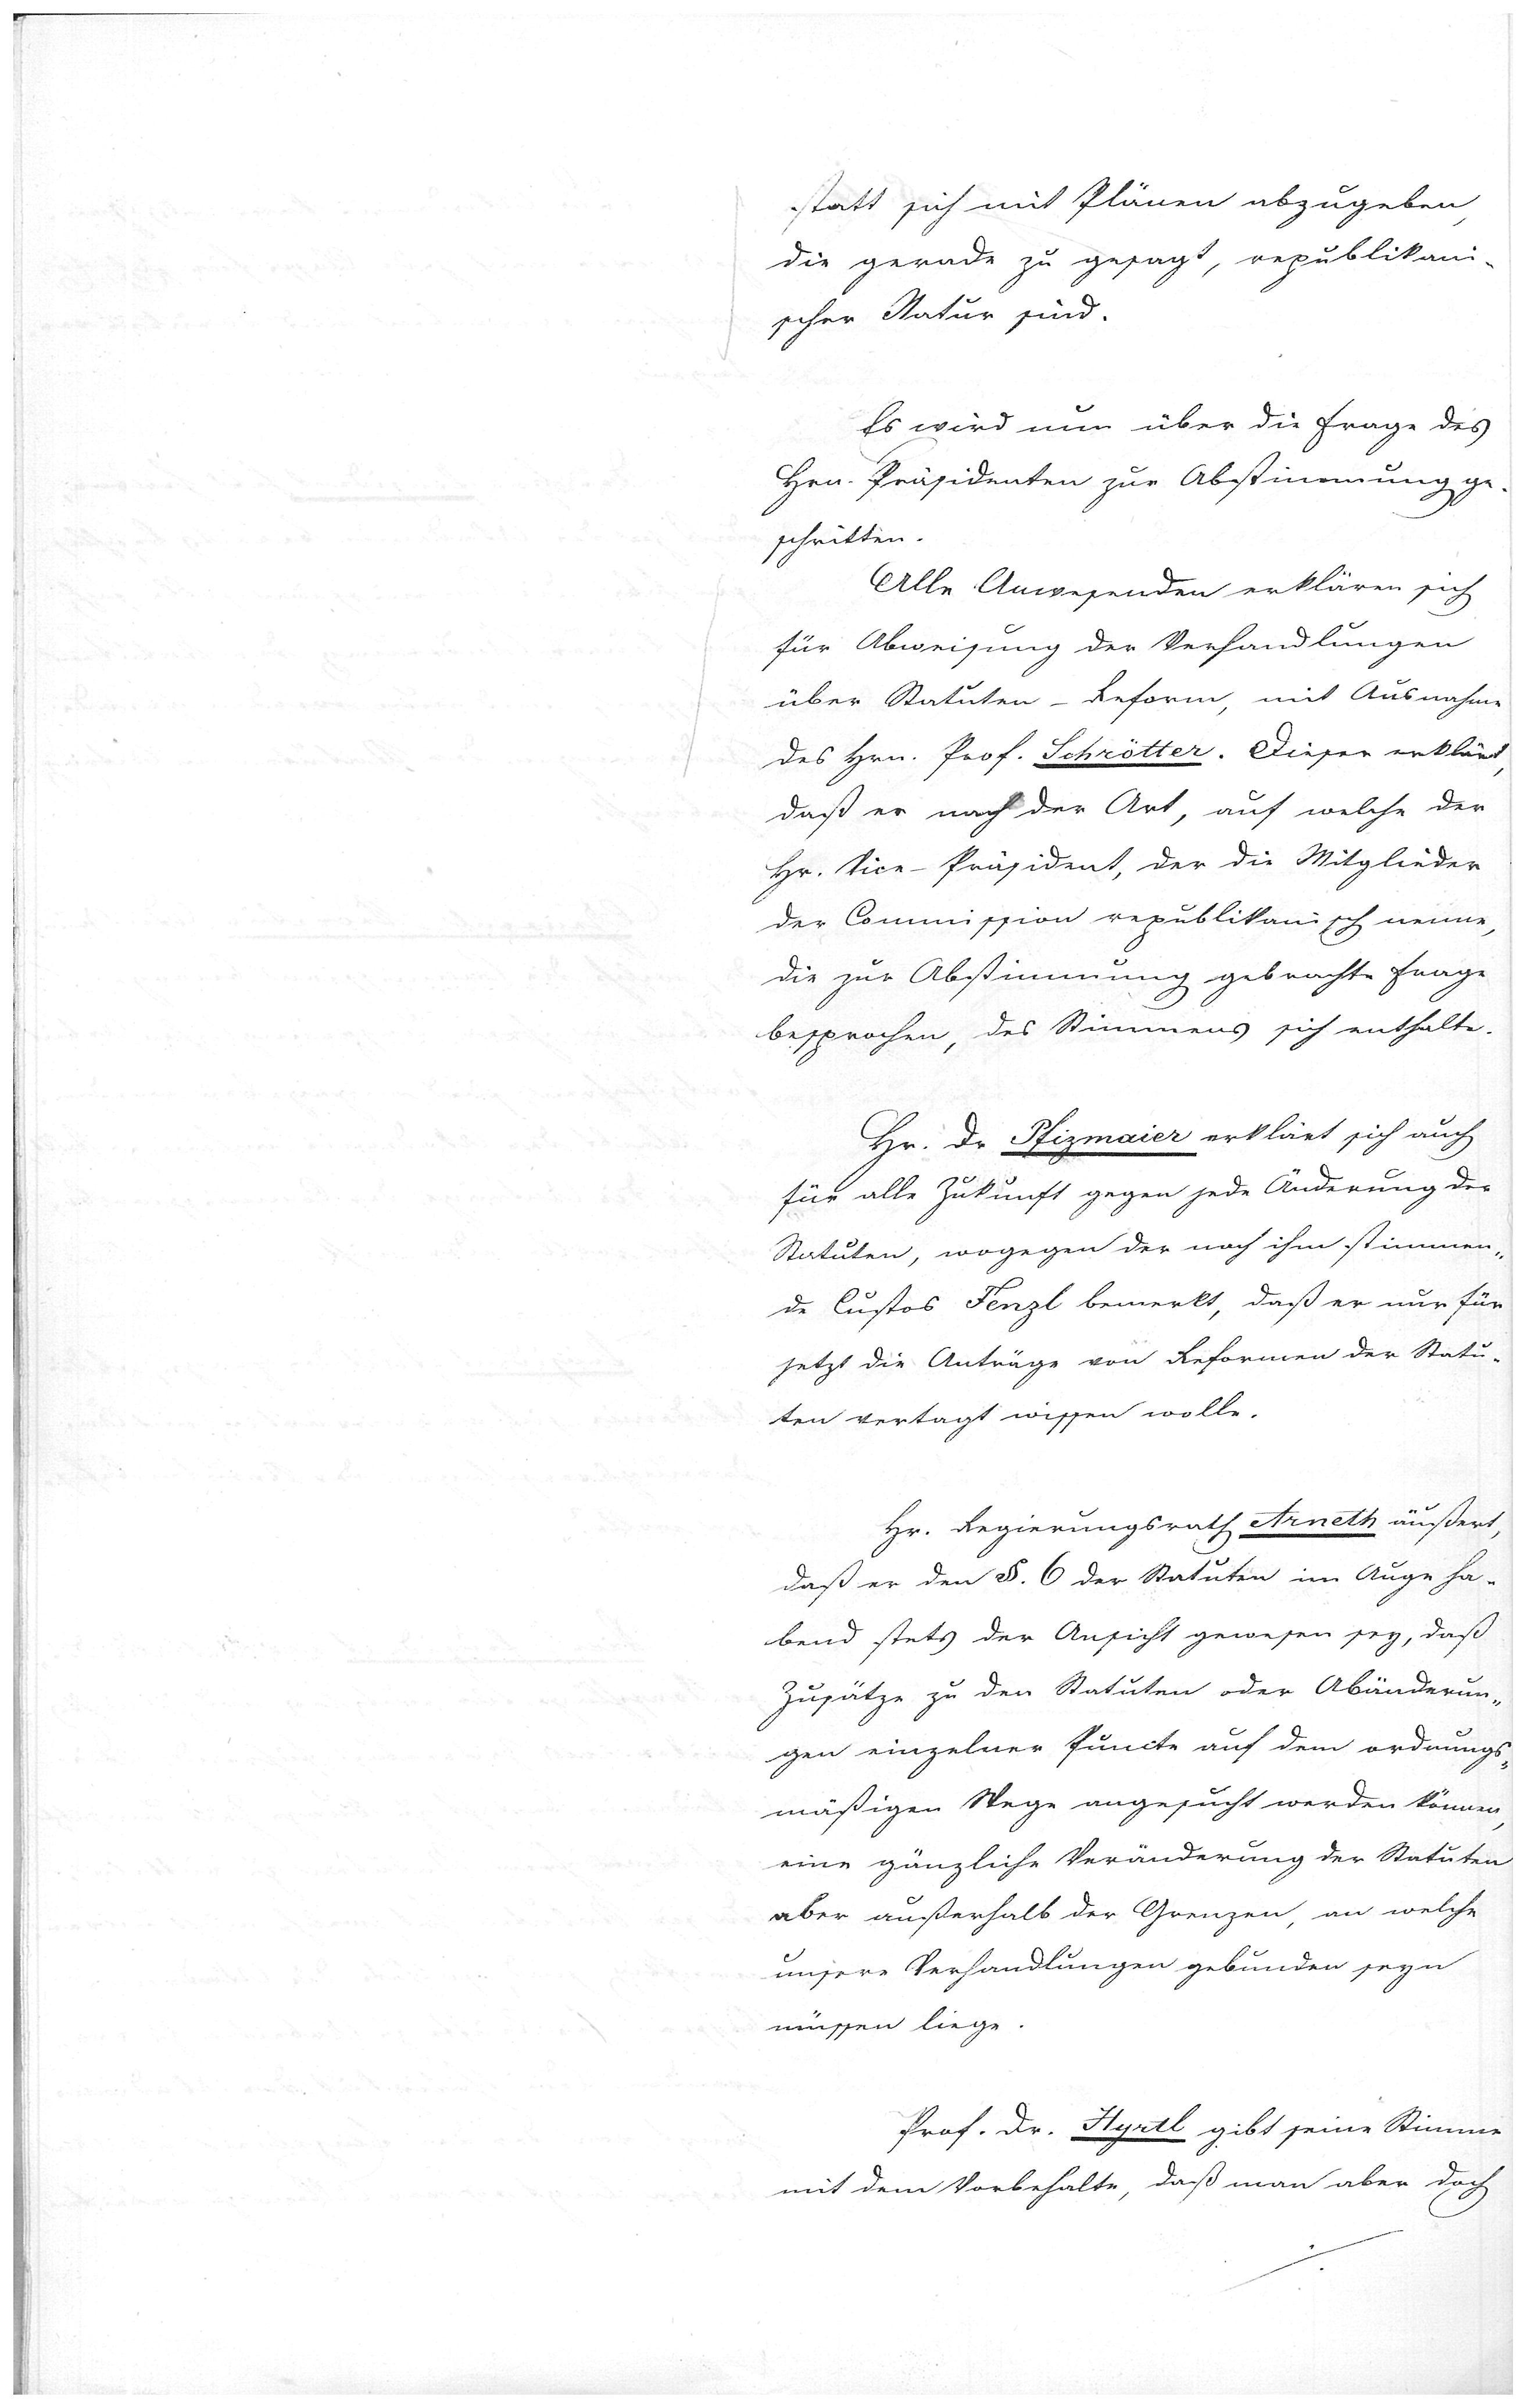statt sich mit Plänen abzugeben,
die gerade zu gesagt, republikani-
sicher Natur sind.
Es wird nun über die Frage des
Hrn. Präsidenten zur Abstimmung
schritten.
Alle Anwesenden erklären sich
für Abweisung der Verhandlungen
über Statuten-Reform mit Ausnahme
des Hrn. Prof. Schrötter. Dieser erklärt,
daß er nach der Art, auf welche der
Hr. Vice-Präsident, der die Mitglieder
der Commission republikanisch nenne,
die zur Abstimmung gebrachten Frage
besprochen, des Stimmens sich enthalte.
Hr. Dr. Pfizmaier erklärt sich auch
für alle Zukunft gegen jede Änderung der
Statuten, wogegen der nach ihm stimmen-
die Custos Fenzl bemerkt, daß er nur für
jetzt die Anträge von Reformen der Statu-
ten vertagt wissen wolle.
Hr. Regierungsrath Arneth äußert,
daß er den §. 6 der Statuten im Augen ha-
bend stets der Ansicht gewesen sey, daß
Zusätze zu den Statuten oder Abänderun-
gen einzelner Puncte auf dem ordnungs-
mäßigen Wege angesucht werden können,
eine gänzliche Veränderung der Statuten
aber außerhalb der Grenzen, an welche
unsere Verhandlungen gebunden seyn
müssen liege.
Prof. Dr. Hyrtl gibt seine Stimme
mit dem Vorbehalte, daß man aber doch